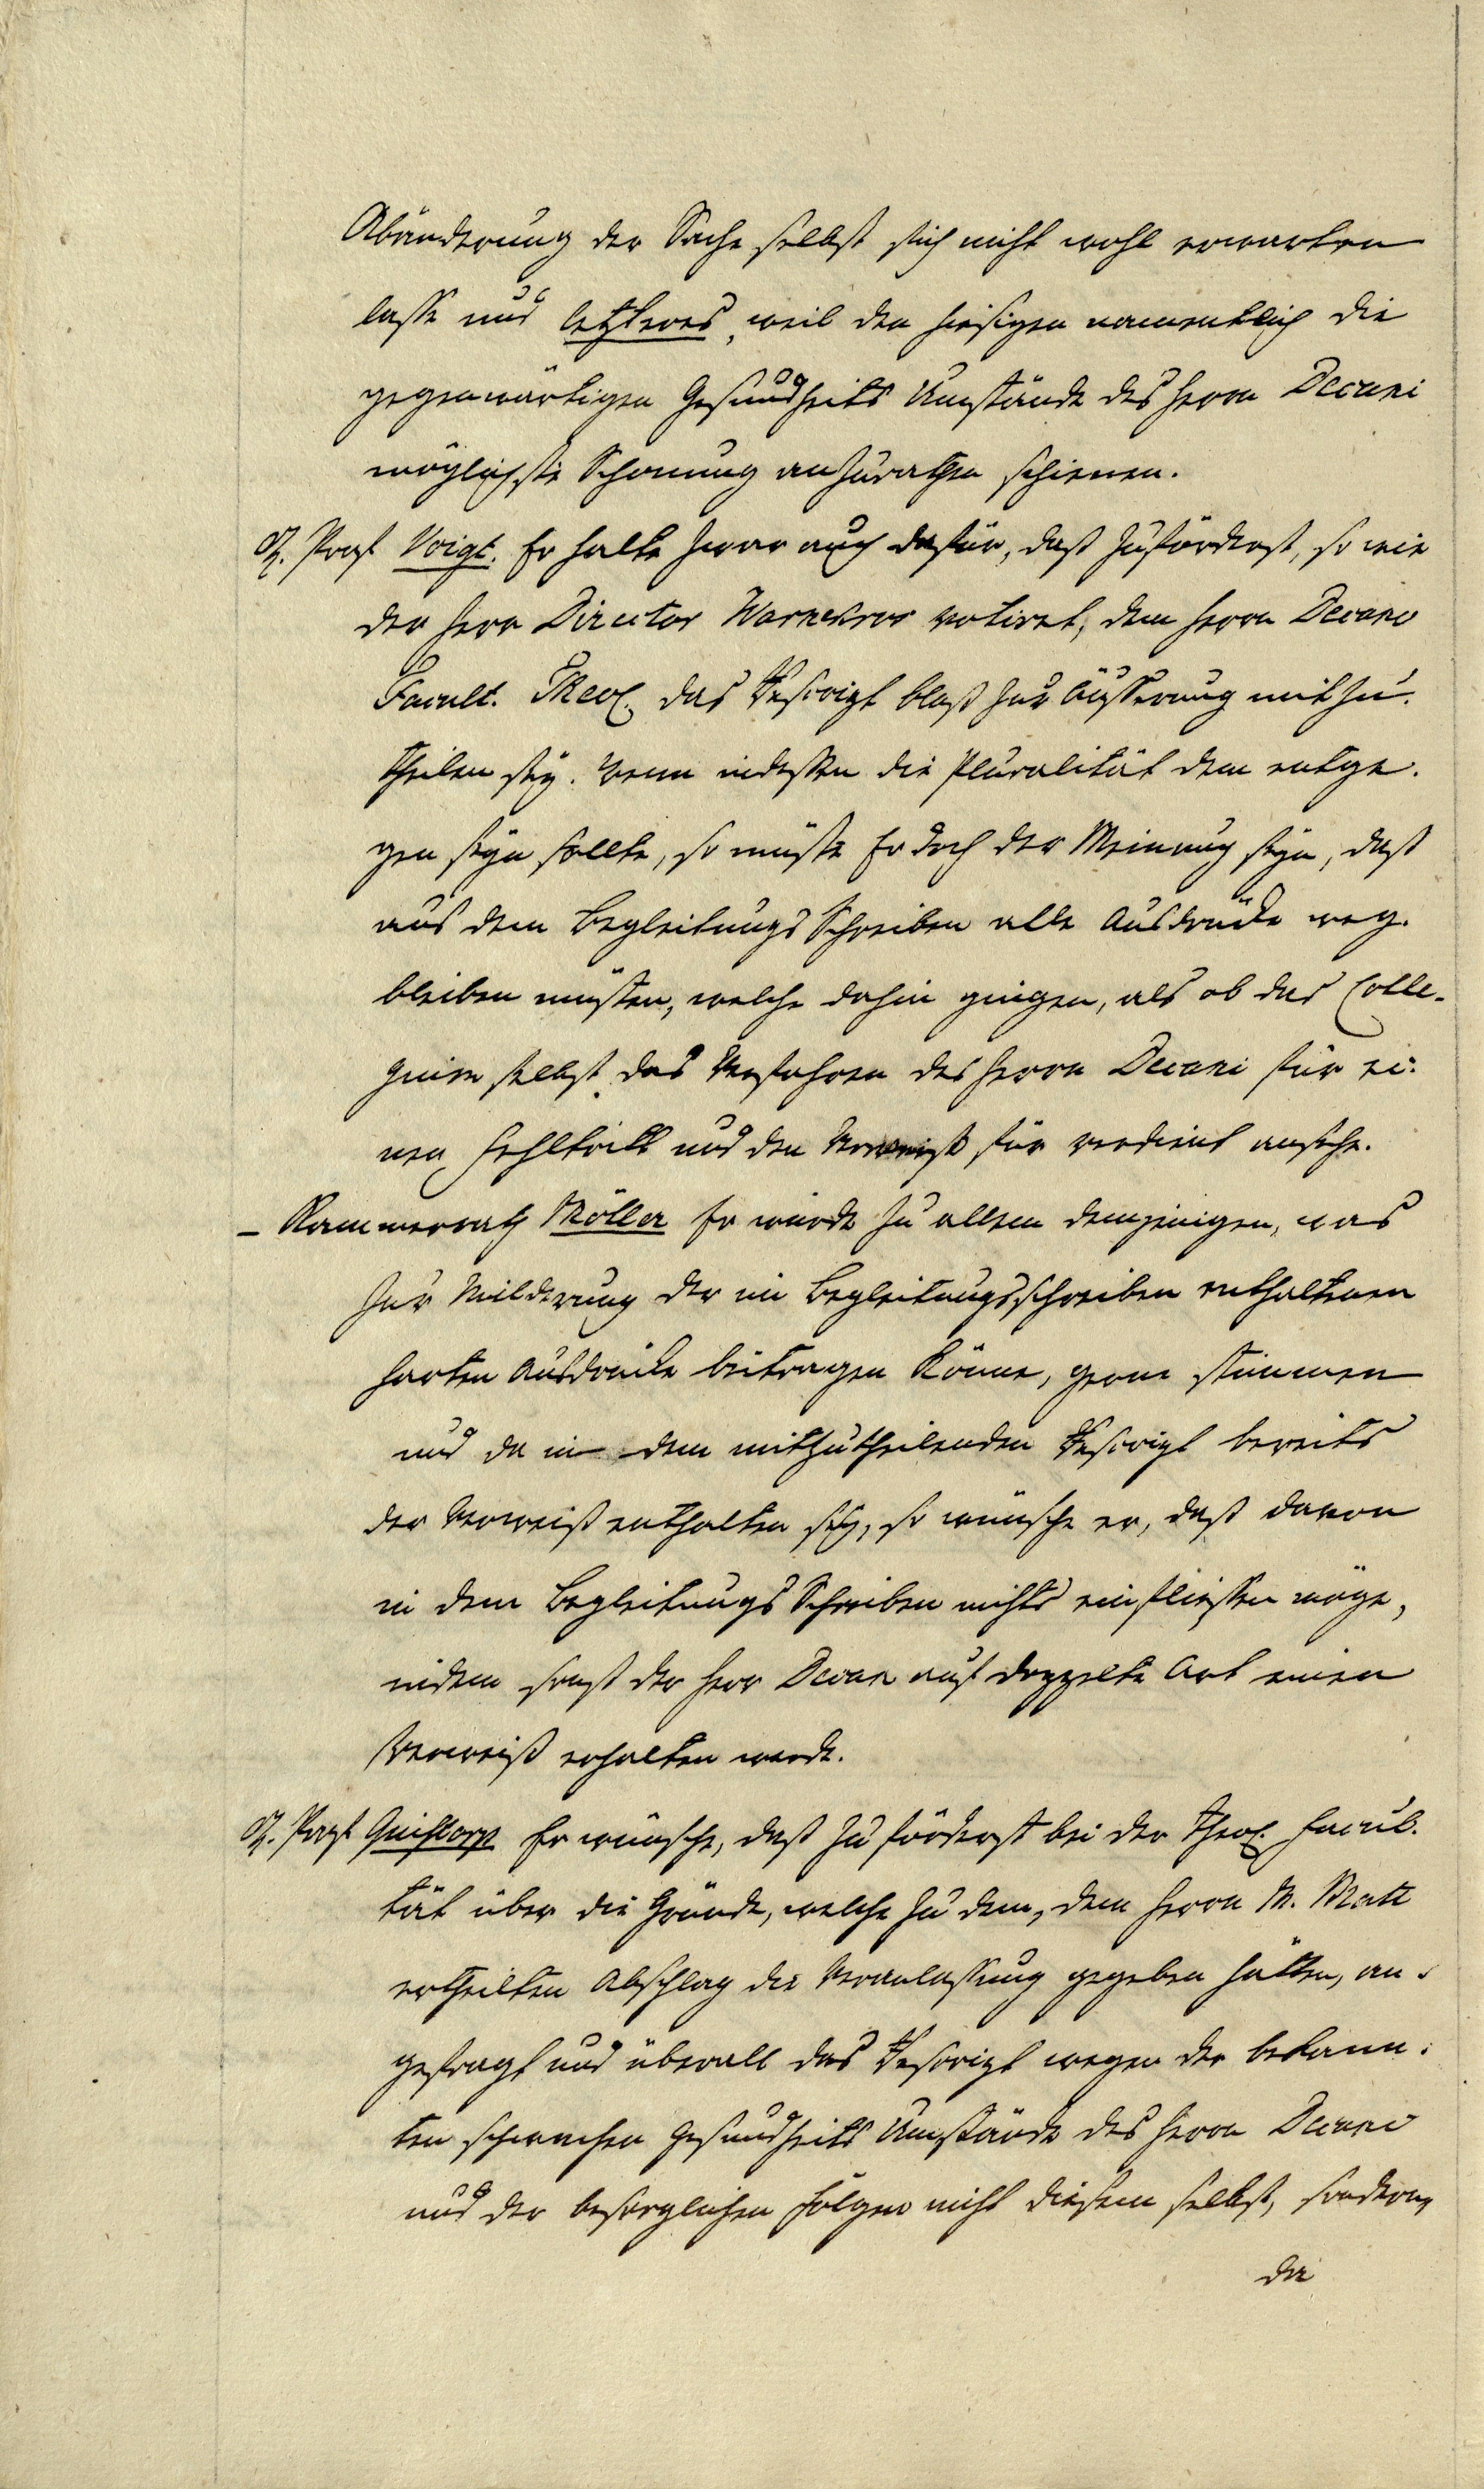Abänderung der Sache selbst sich nicht wohl erwarten
lasse und letzteres, weil der hiesigen namentlich die
gegenwärtigen Gesundheits Umstände des Herrn Decani
möglichste Schonung anzurathen schienen.
dh. Prof. Voigt. Er halte zwar auch dafür, daß zuförderst, so wie
der Herr Director Warnekros votiret, dem Herrn Decano
Facult. Theol. das Rescript bloß zur Äusserung mitzu¬
theilen seÿ. Wenn indessen die Pluralität dem entge¬
gen seÿn sollte, so müsse Er doch der Meinung seÿn, daß
aus dem Begleitungs Schreiben alle Ausdrücke weg¬
bleiben müßten, welche dahin gingen, als ob das Colle¬
gium selbst das Verfahren des Herrn Decani für ei¬
nen Fehltritt und den Verweiß für verdient ansehe.
Kammerrath Möller Er würde zu allem demjenigen, was
zur Milderung der im Begleitungsschreiben enthaltenen
harten Ausdrücke beitragen könne, gerne stimmen
und da in dem mitzutheilenden Rescript bereits
der Verweis enthalten seÿ, so wünsche er, daß davon
in dem Begleitungs Schreiben nichts einfliessen möge,
indem sonst der Herr Decan auf doppelte Art einen
Verweis erhalten werde.
dh. Prof. Quistorp. Er wünsche, daß zu förderst bei der Theol. Facul¬
tät über die Gründe, welche zu dem, dem Herrn M. Bratt
ertheilten Abschlag die Veranlassung gegeben hätten, an¬
gefragt und überall das Rescript wegen der bekann¬
ten schwachen Gesundheits Umstände des Herrn Decani
und der besorglichen Folgen nicht diesem selbst, sondern,
da